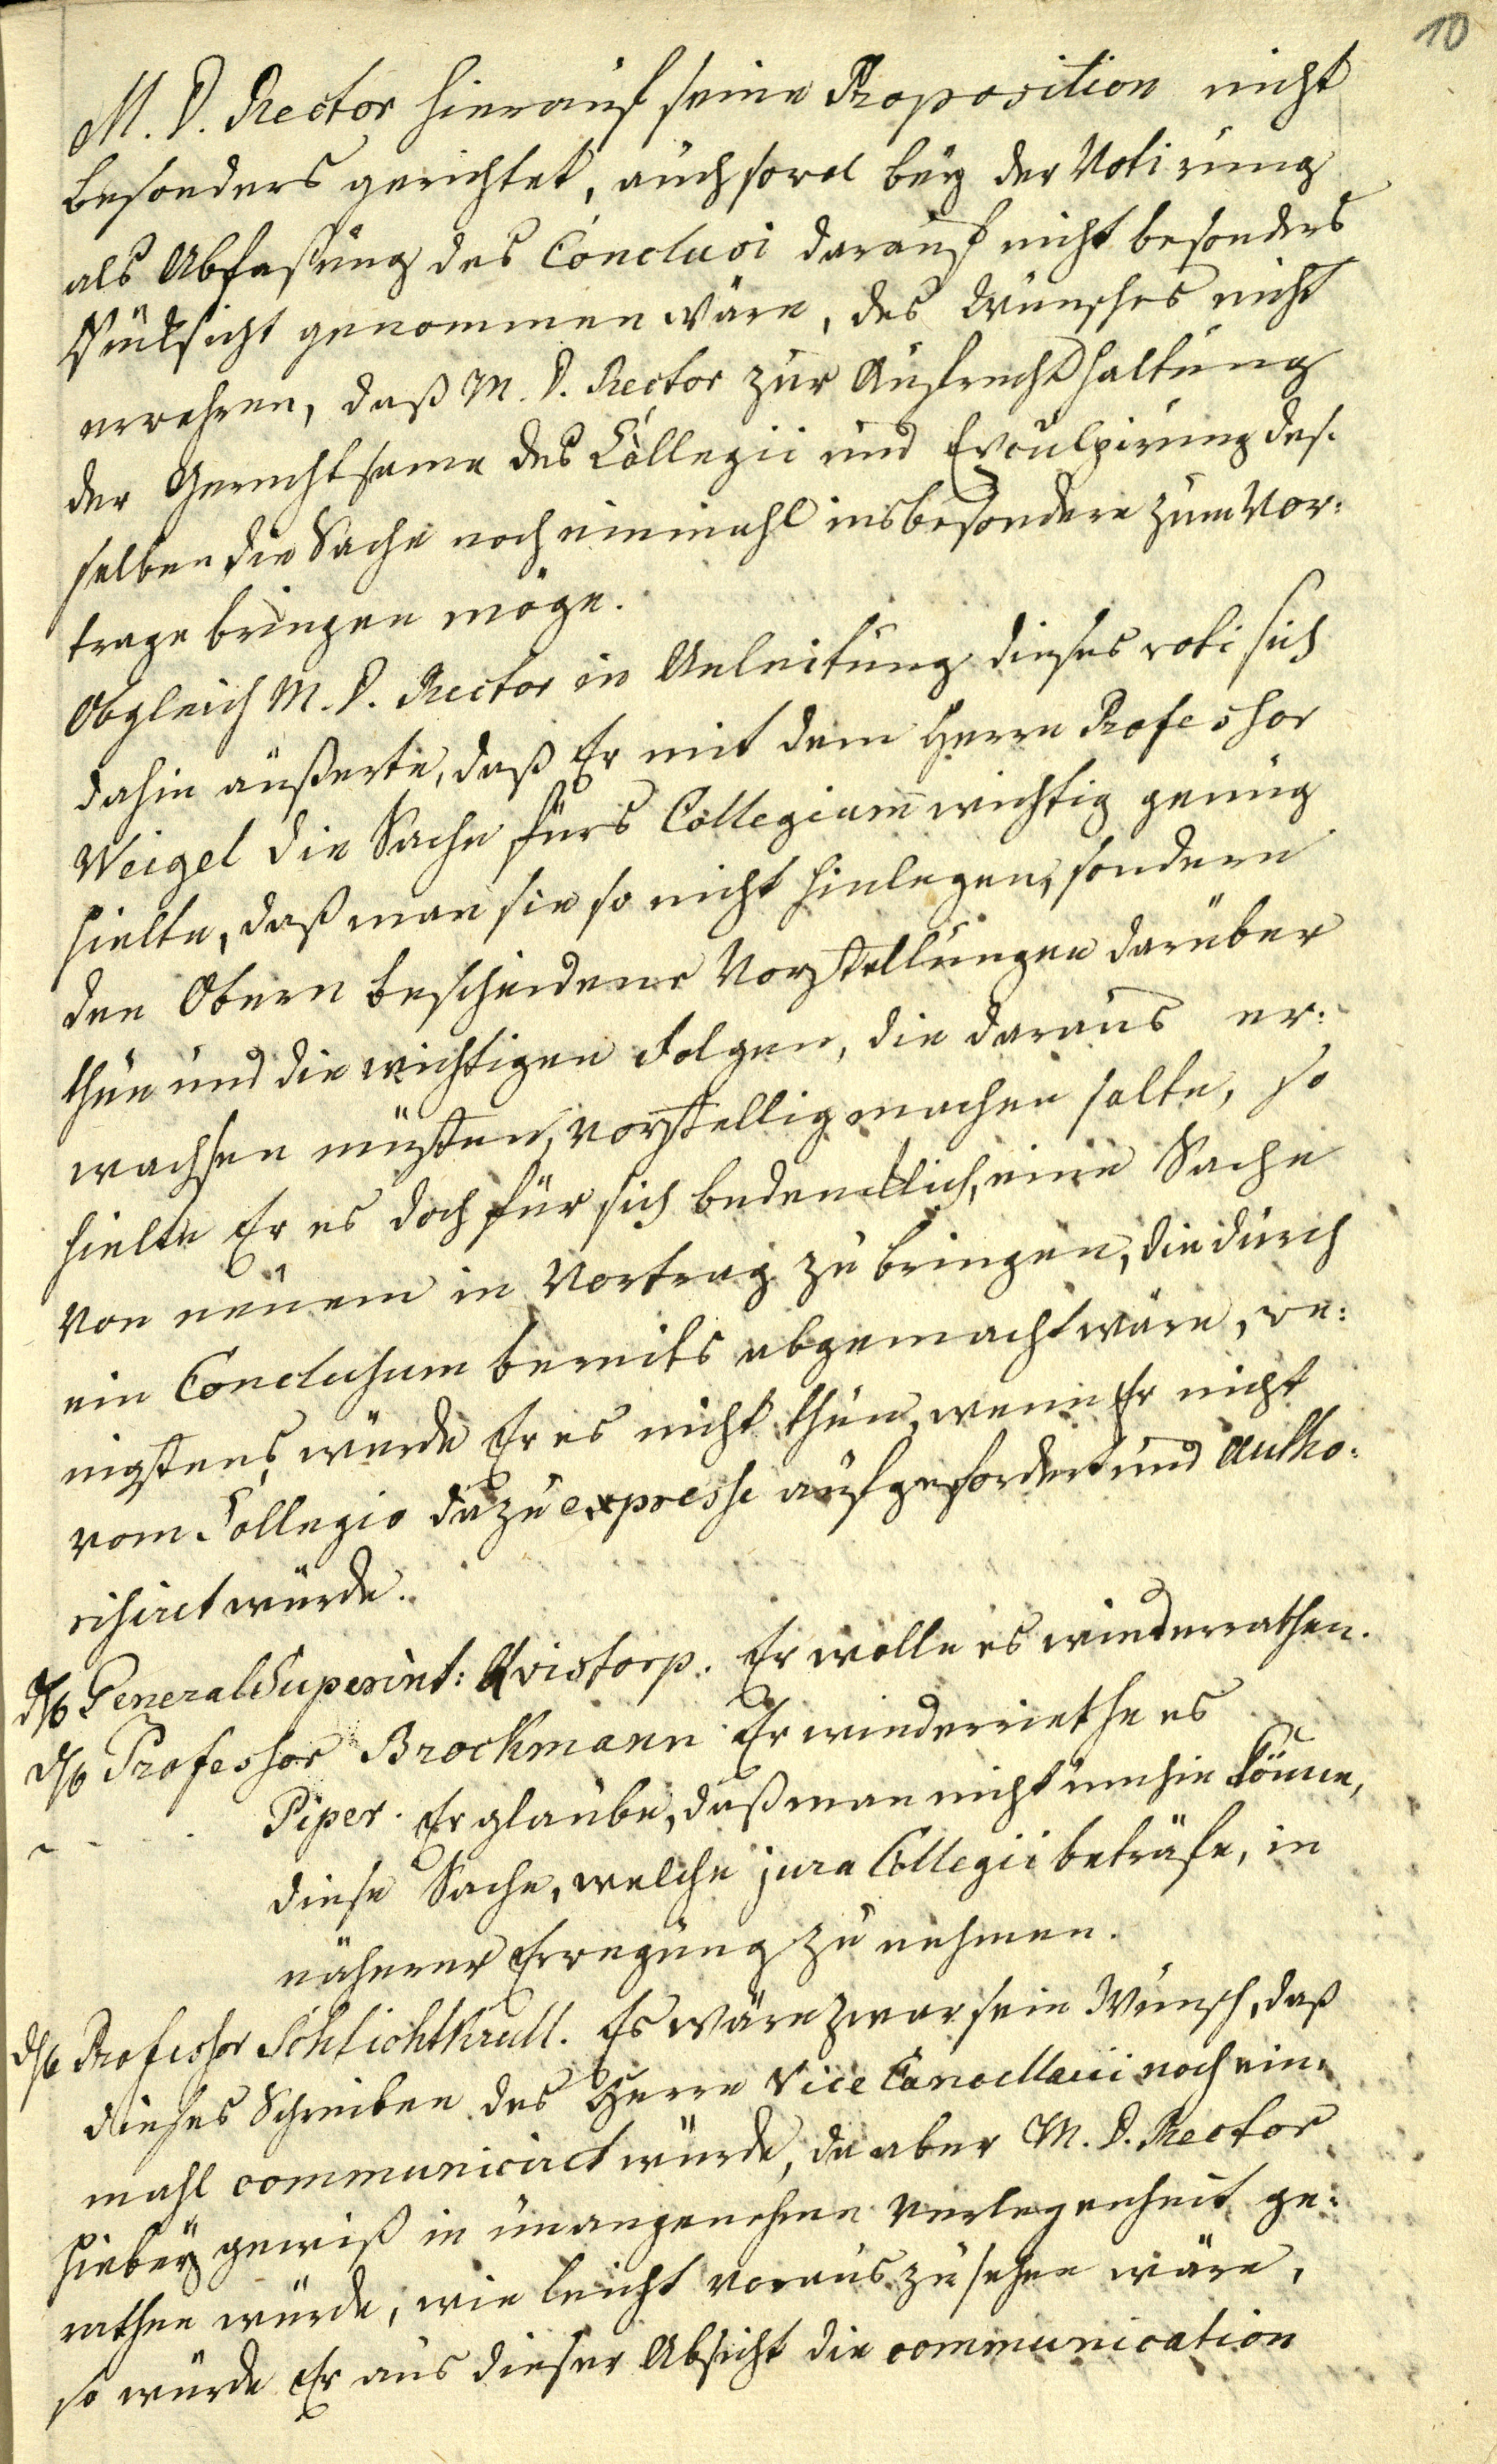M. D. Rector hierauf seine Proposition nicht
besonders gerichtet, auch sowol beÿ der Votirung
als Abfaßung des Conclusi darauf nicht besonders
Rücksicht genommen wäre, des Wunsches nicht
verwehren, daß M. D. Rector zur Aufrechthaltung
der Gerechtsame des Collegii und Erculpirung des¬
selben die Sache noch einmahl insbesondere zum Vor¬
trage bringen möge.
Obgleich M. D. Rector in Anleitung dieses voti sich
dahin äußerte, daß Er mit dem Herrn Professor
Weigel die Sache fürs Collegium wichtig genug
hielte, daß man sie so nicht hinlegen, sondern
den Obern bescheidene Vorstellungen darüber
thun und die wichtigen Folgen, die daraus er¬
wachsen müßten, vorstellig machen solte, so
hielte Er es doch für sich bedenklich, eine Sache
von neuem in Vortrag zu bringen, die durch
ein Conclusum bereits abgemacht wäre, we¬
nigstens würde Er es nicht thun, wenn Er nicht
vom Collegio dazu expresse aufgefordert und autho¬
risiret würde.
dh. GeneralSuperint. Quistorp. Er wolle es wiederrathen.
dh. Professor Brockmann. Er wiederriethe es.
Piper. Er glaube, daß man nicht umhin könne,
diese Sache, welche jura Collegii beträfe, in
näherer Erwegung zu nehmen.
dh Professor Schlichtkrull. Es wäre zwar sein Wunsch, daß
dieses Schreiben des Herrn Vice Cancellarii noch ein¬
mahl communiciret würde, da aber M. D. Rector
hiebeÿ gewiß in unangenehme Verlegenheit ge¬
rathen würde, wie leicht voraus zu sehen wäre,
so würde Er aus dieser Absicht die communication